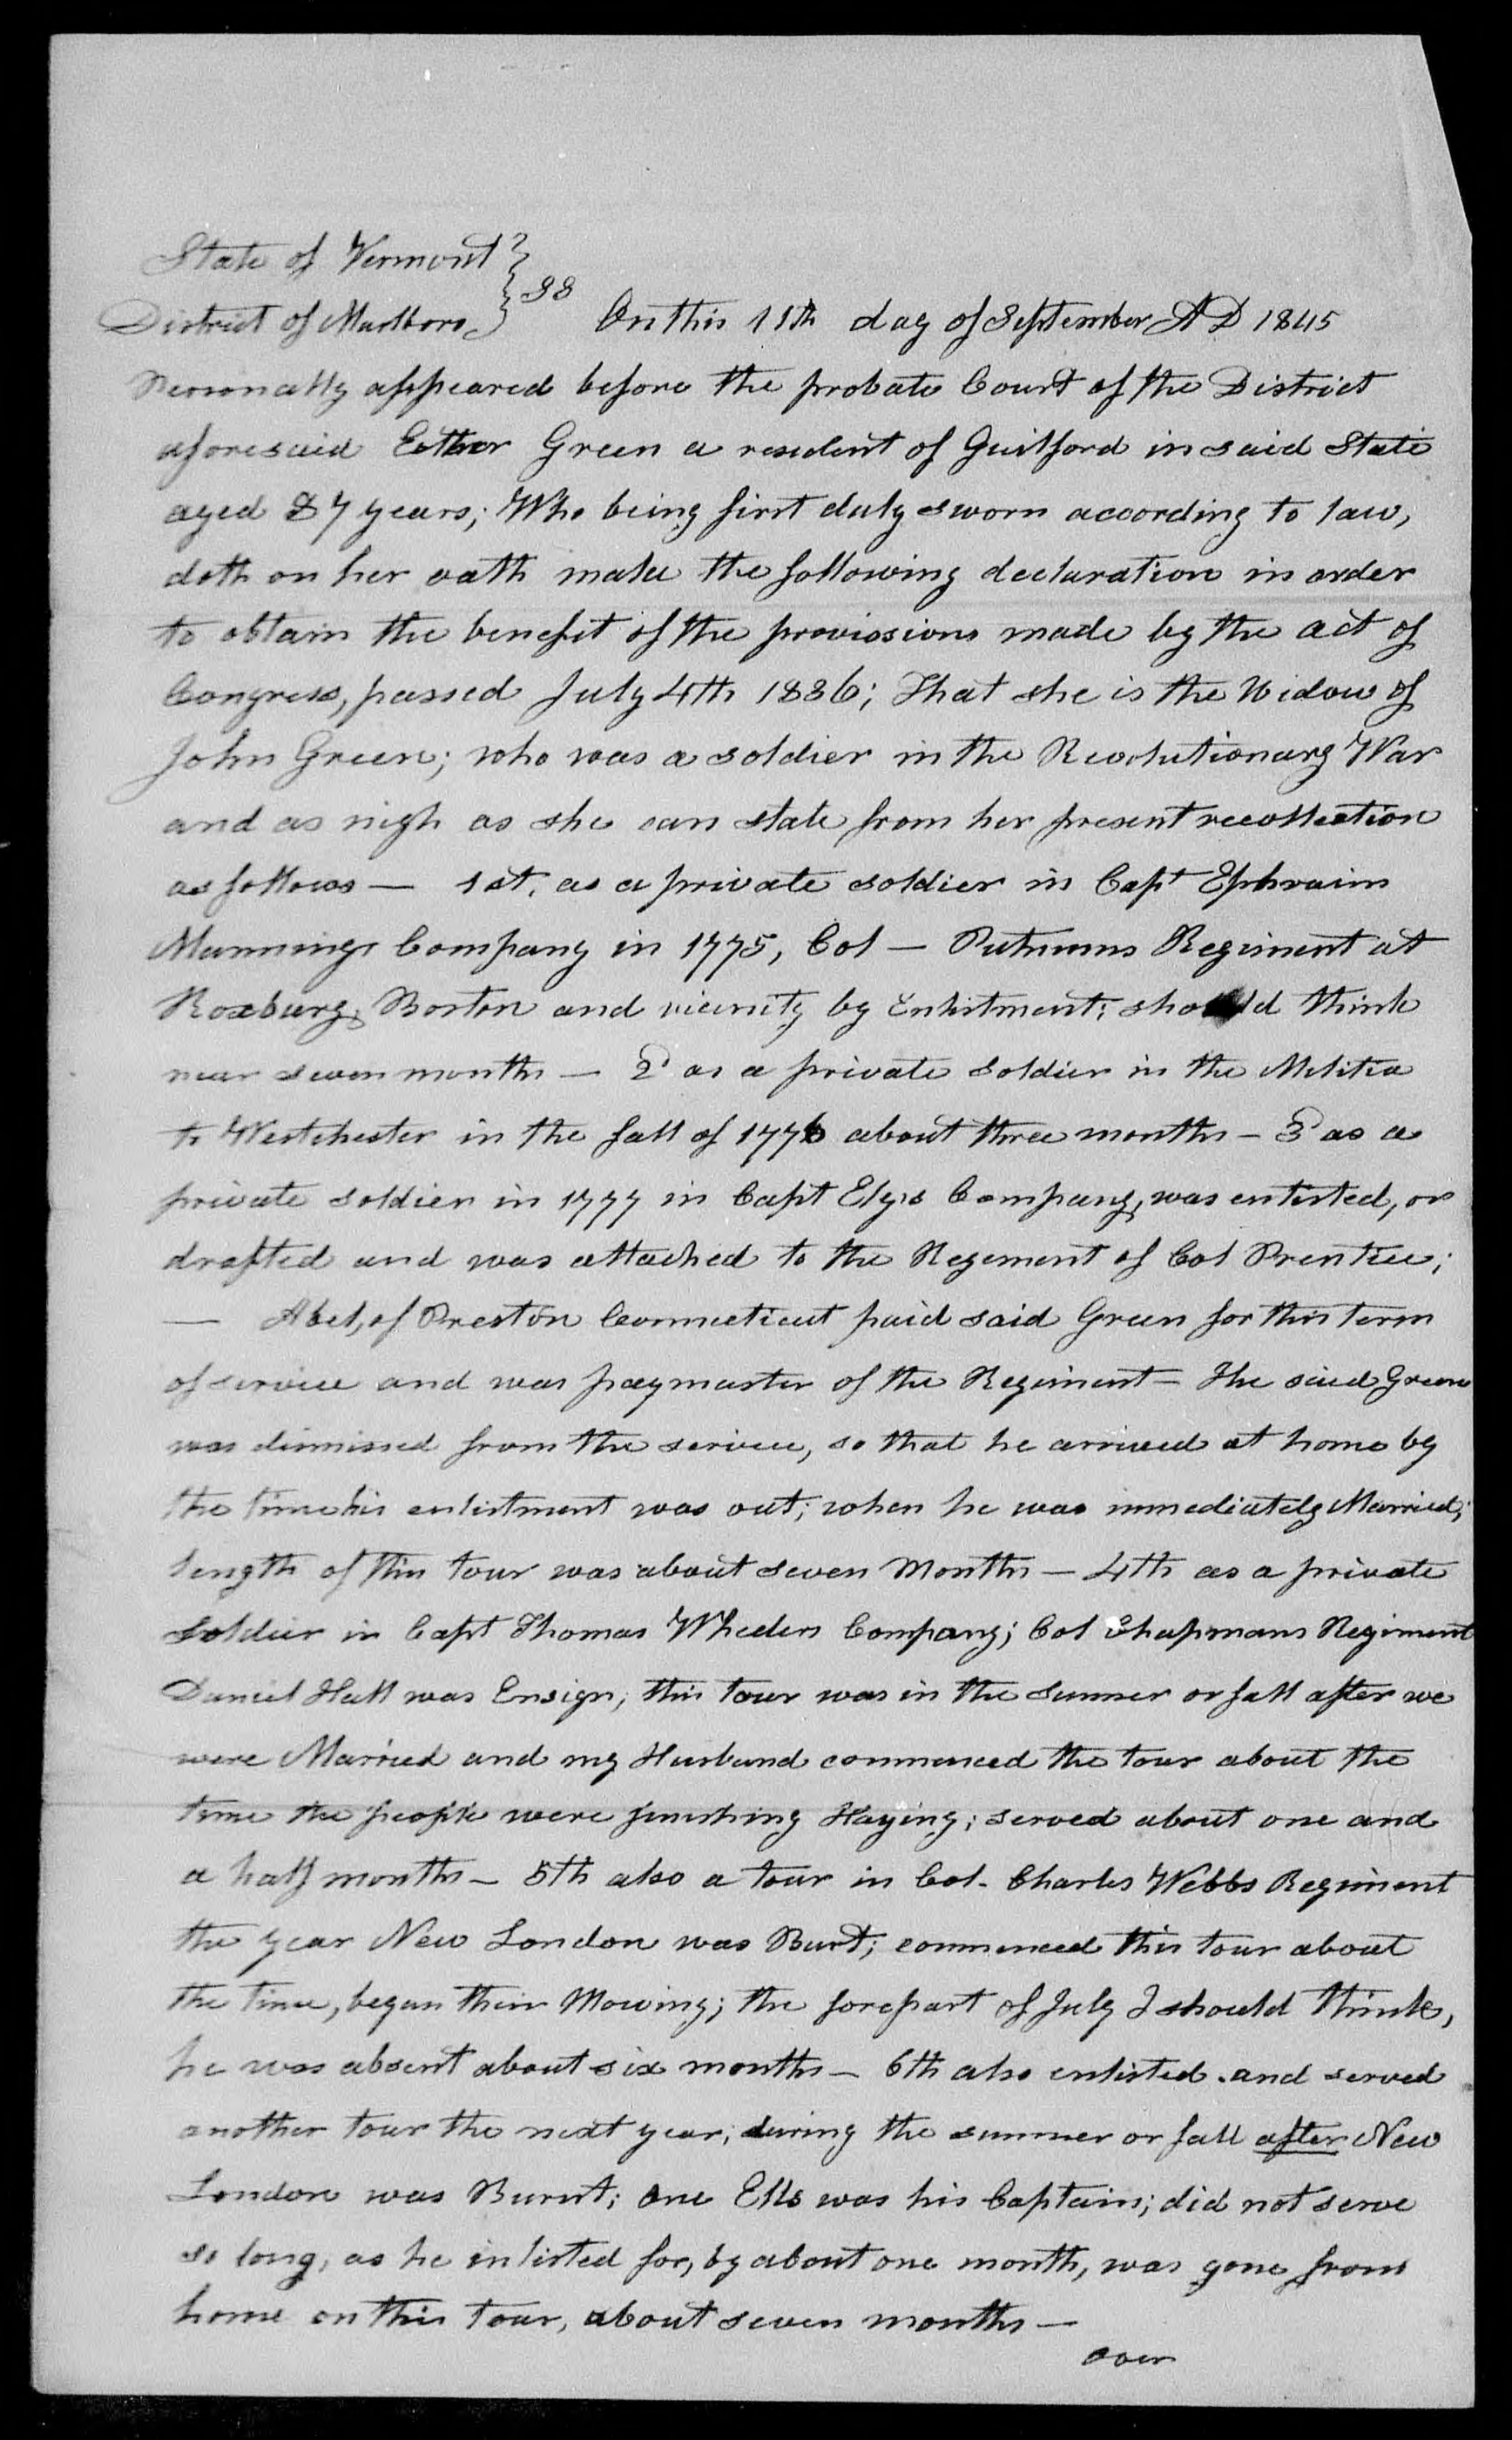State of Vermont District of Marlboro} 88 On this 11th day of September AD 1845 Personally appeared before the probate court of the District aforesaid Esther Green a resident of Guilford in said State aged 84 years; Who being first duly sworn according to law, doth on her oath make the following declarations in order to obtain the benefit of the provisions made by the act of Congress, passed July 4th 1836; That she is the widow of John Green; who was a soldier in the Revolutionary War and as nigh as she can state from her present recollection as follows - sat. as a private soldier in Capt Ephrain [not legible - Murrings?] company in 1775, Col- Putnams Regiment at Roxbury, Boston and vicinity by Enlistment; should think near seven months- and as a private soldier in the Militia to Westchester in the fall of 1776 about three months- and as a private soldier in 1777 in Captain Ely's Company, was enlisted, or drafted and was attached to the Regiment of Col Prentice; - Abel, of Preston Connecticut [not legible] said Green for this term of service and was paymaster of the Regiment - She said Green was dismissed from the service, so that he arrived at home by the time his enlistment was out; when he was immediately married; length of this tour was about seven months - 4th as a private soldier in Capt Thomas Wheelers Company; Col Chapman Regiment Daniel Hall was Ensign; this tour was in the summer or fall after we were Married and my Husband commenced this tour about the time the people were [not legible] staying; served about one and a half months - 5th also a tour in Col. Charles Webb's Regiment the year New London was Burnt; commenced this tour about the time, began this morning; the forepart of July I should think, he was absent about six months - 6th also enlisted and served another tour the next year; during the summer of fall after New London was Burnt; one Ells was his Captain; did not serve so long, as he enlisted for, by about one month, was gone from home on this tour, about seven months - over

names: Abel, John Green, Green, Prentice, Ells, Daniel Hall, Esther Green, Green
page: 3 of 40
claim: rejected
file: R. 4251, John Green, Conn.